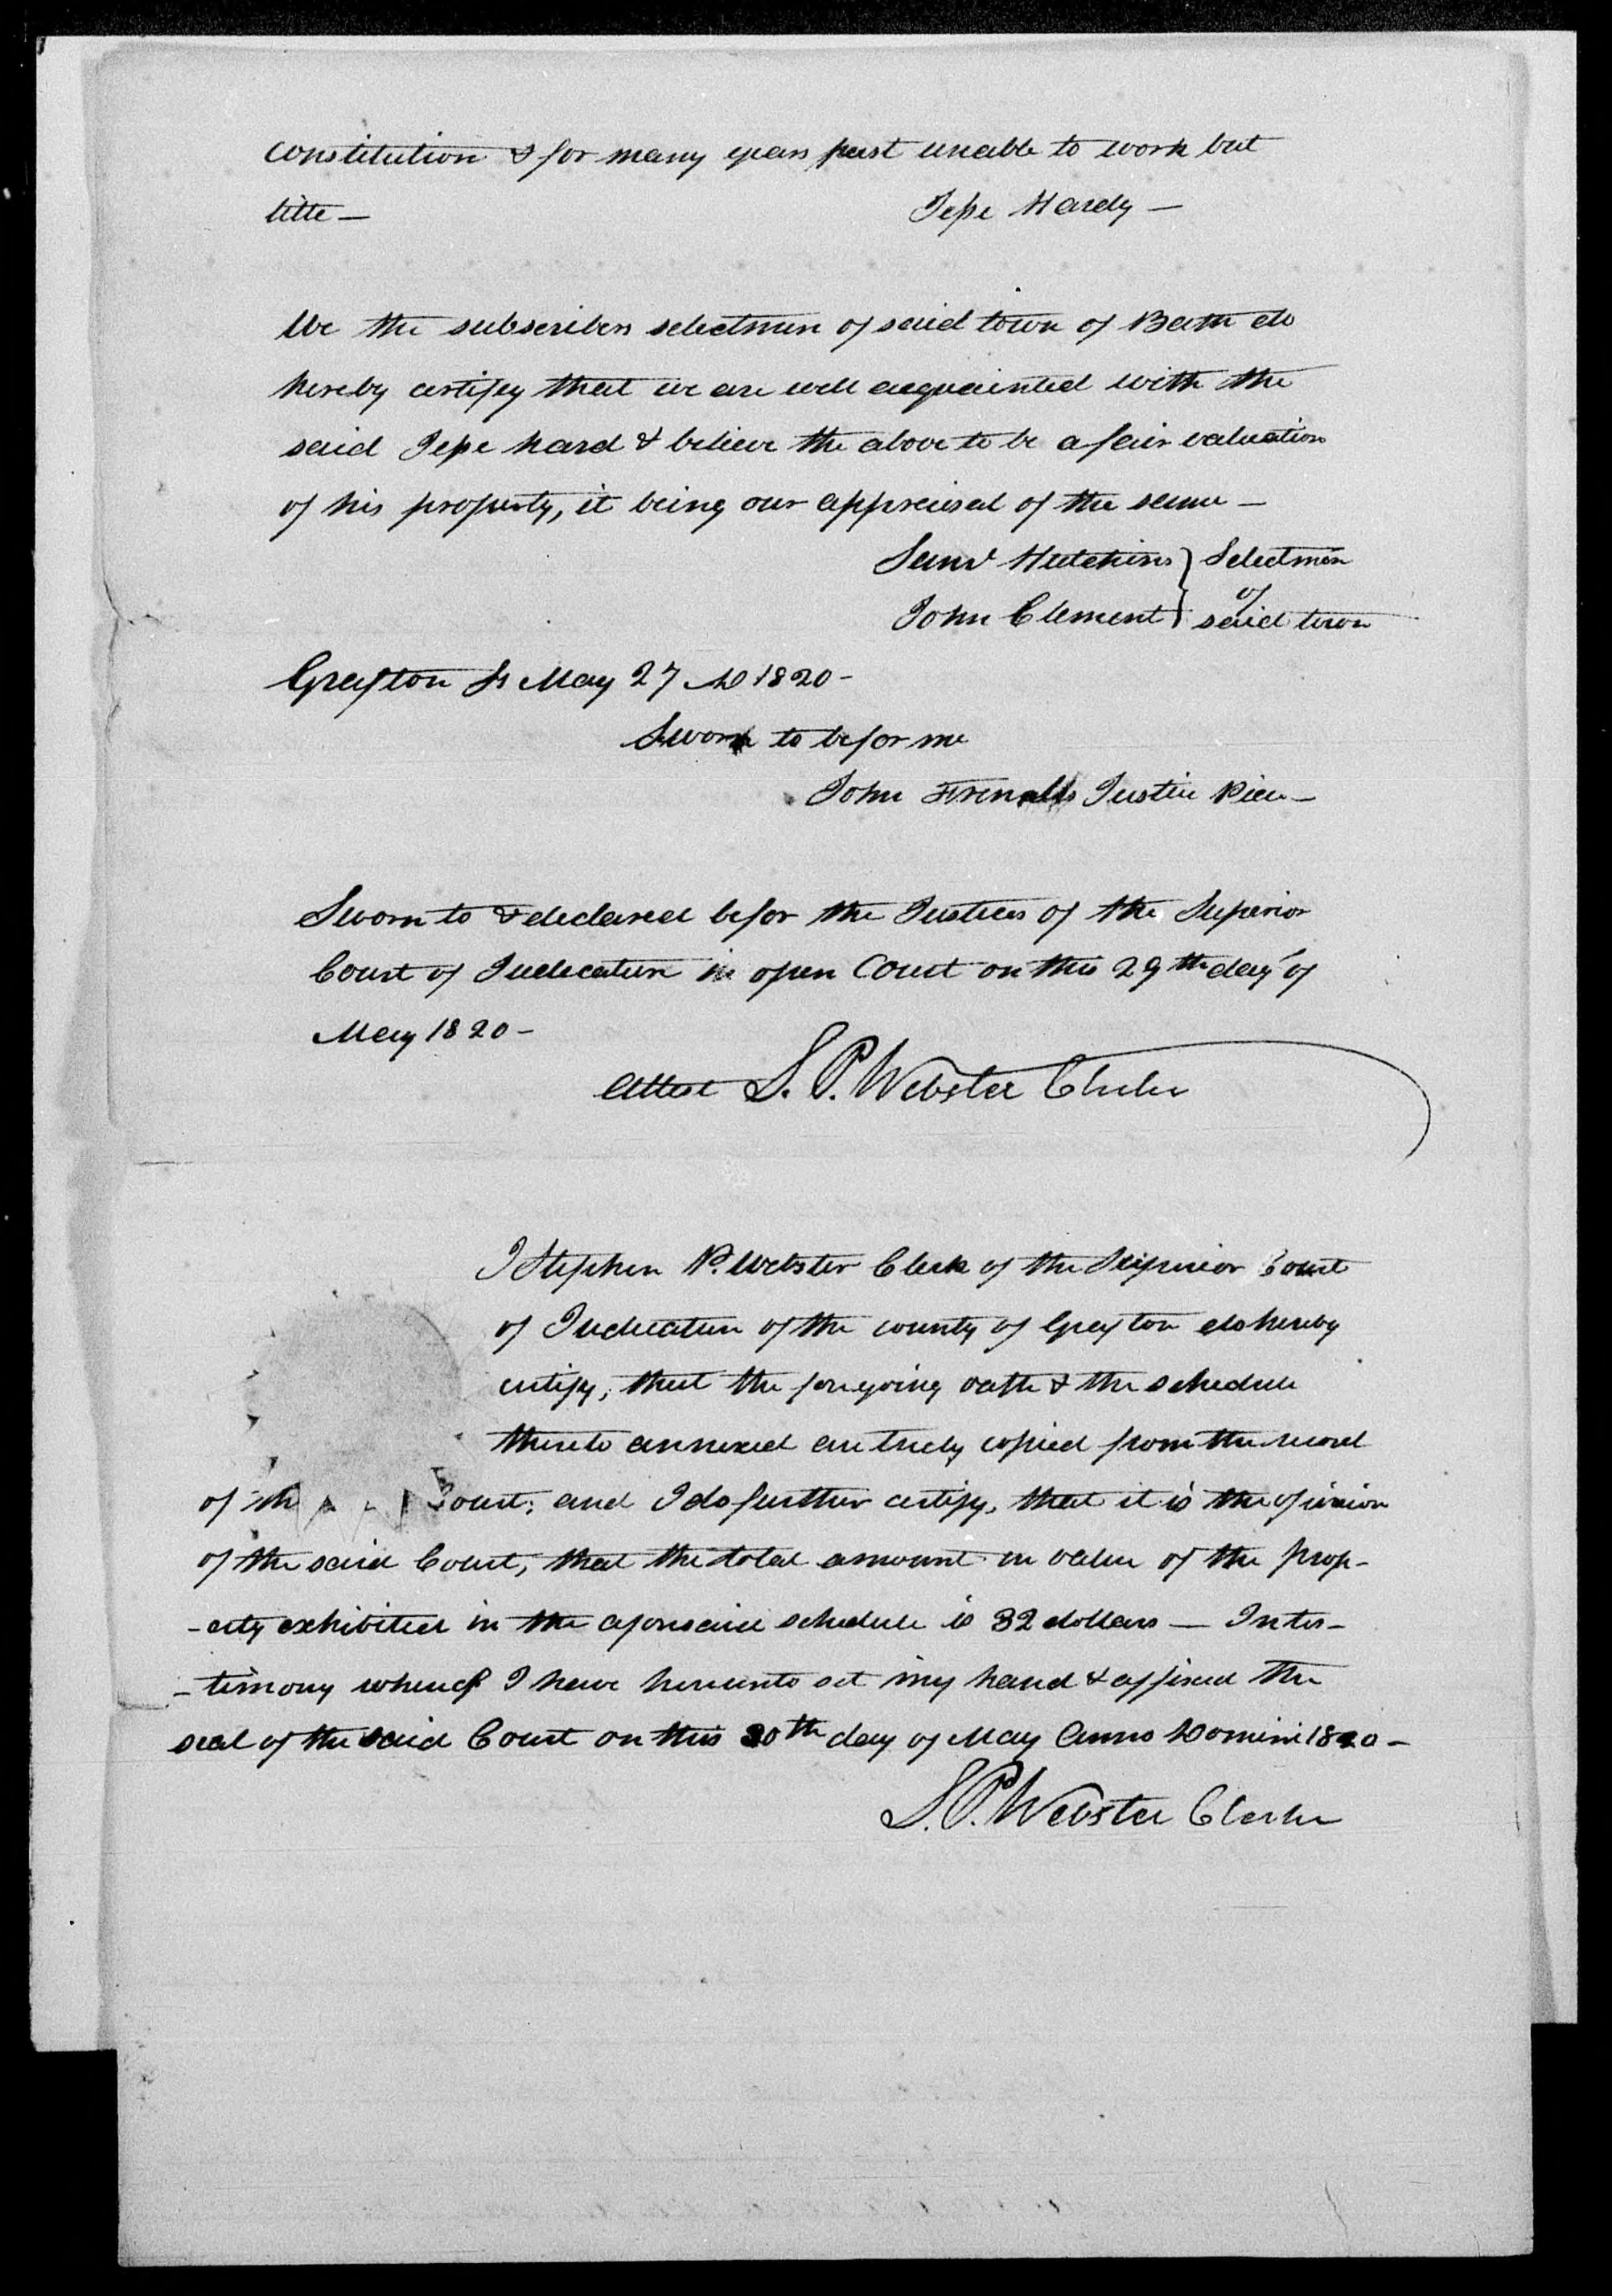constitution & for many years past unable to work by little -
Jesse Hardy -

We the subseriben selecmen of said town of bath do hereby certify that we are well aquainted with the said Jesse Hardy & believe the above to be a fair evaluation of his property, it being our appraisal of the parcel -

Saml Hutchins - Selectman of
 John Clement -  said town
Graton Jr  May 27 1820
Sworn to befor me
John Frenall Justice Peace

Sworn to & declared befor the justices of the Superior court of judication in open court on the 29th day of May 1820 -

attest  S.P Webster clerk

I Stephen P Webster clerk of the superior court of jurisdiction of the county of Greyton do hereby verify, that the foregoing oath & the schedule thereto enumerated are truly copied from the record of the [covered by seal] court and I do further certify that it is the opinion of he said court that the total amount in value of the property exhibited in the [?] schedule is 82 dollars - In testimony whereas I never hearanto oct my heard & affixed the seal of the said court on this 30th day of May Annis Domini 1820 -
S.P Webster Clerk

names: Stephen P Webster, John Frenall, Saml Hutchins, John Clement, Jesse Hard, S P Webster, Jesse Hardy, S P Webster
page: 10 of 67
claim: widow's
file: W. 23183, Jesse Hardy, Mass.